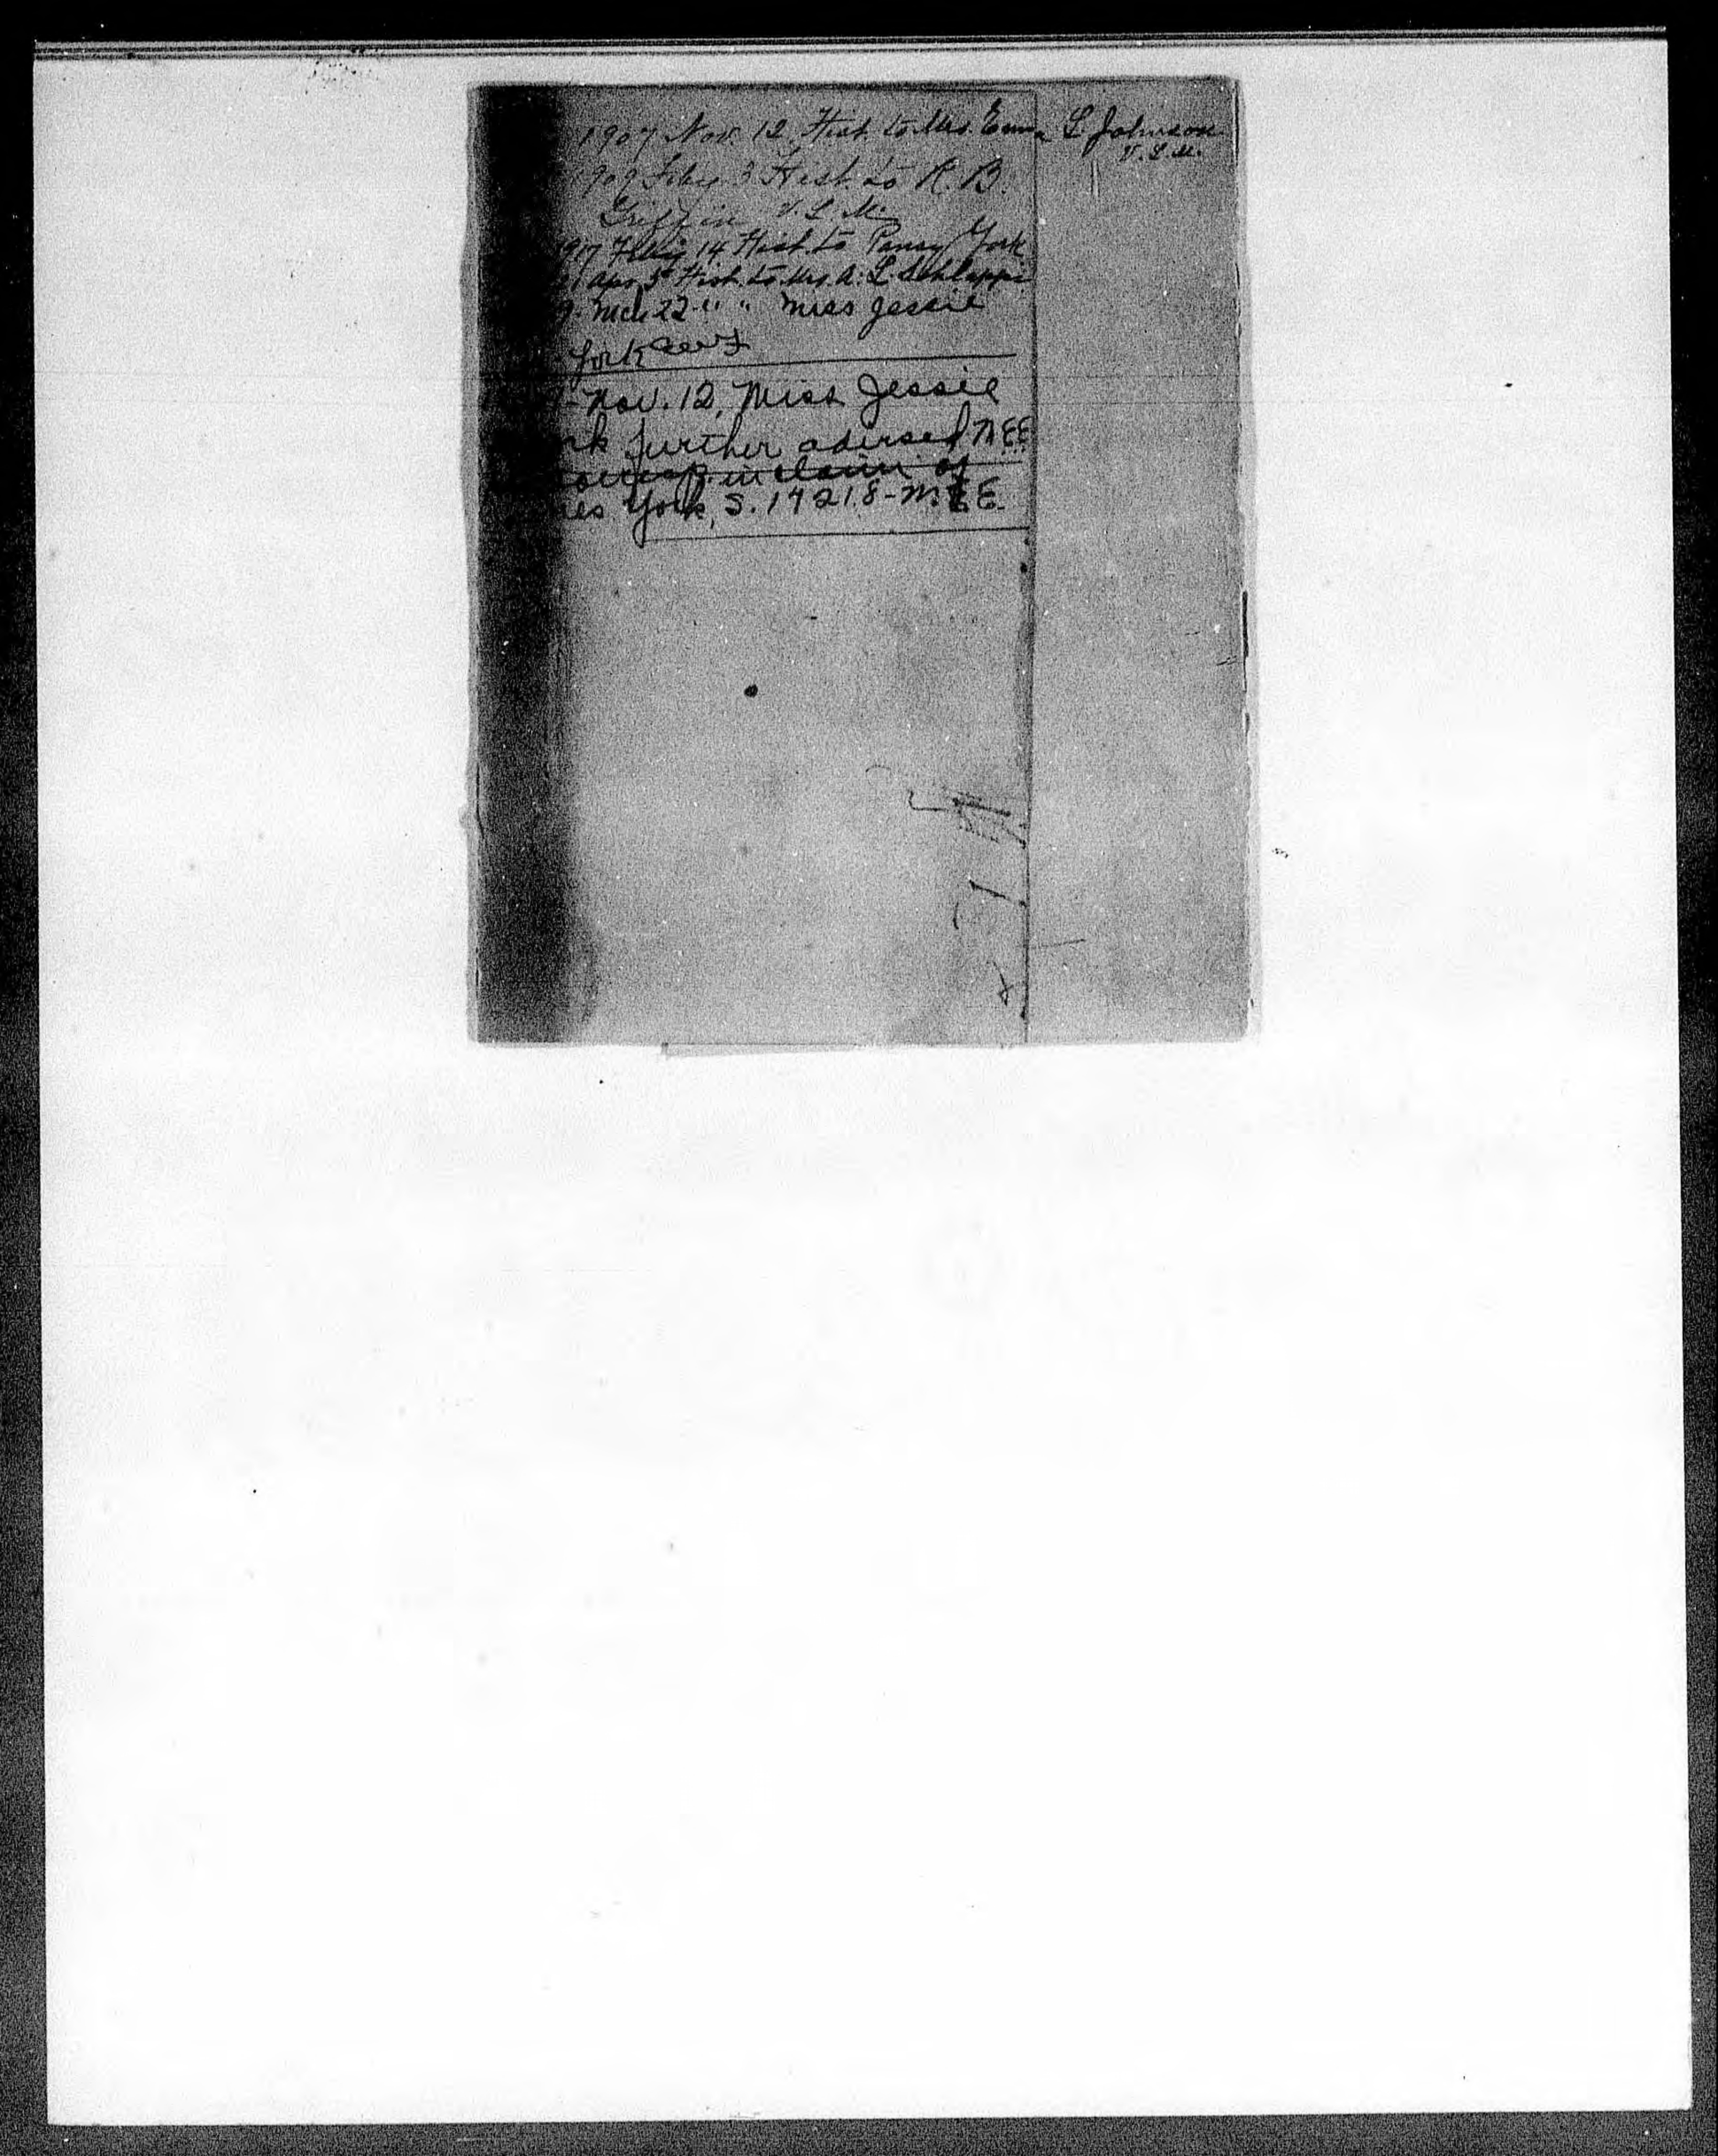1907 Nov 12 Hist to Mrs. Emma L. Johnson V. L. M.
1909 Feby 3 Hist to R. B. Griffin V. L. M.
1917 Feby 14 Hist to Pansy York
1921 Apr 5 Hist to Mrs. A. L. Schlappi
1929 Mch 22 Hist to Miss Jessie York Sevy.

[cut off] Nov 12 Miss Jessie York further advised M. E. E. [illegible] in claim of Miss York s. 17218 M. E. E.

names: Enma L Johnson, Pansy York, Jessie York, A L Schlappi, James York, R B Griffin, Jessie York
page: 59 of 60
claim: widow's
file: W. 19,537, Thomas Griffin, Conn.